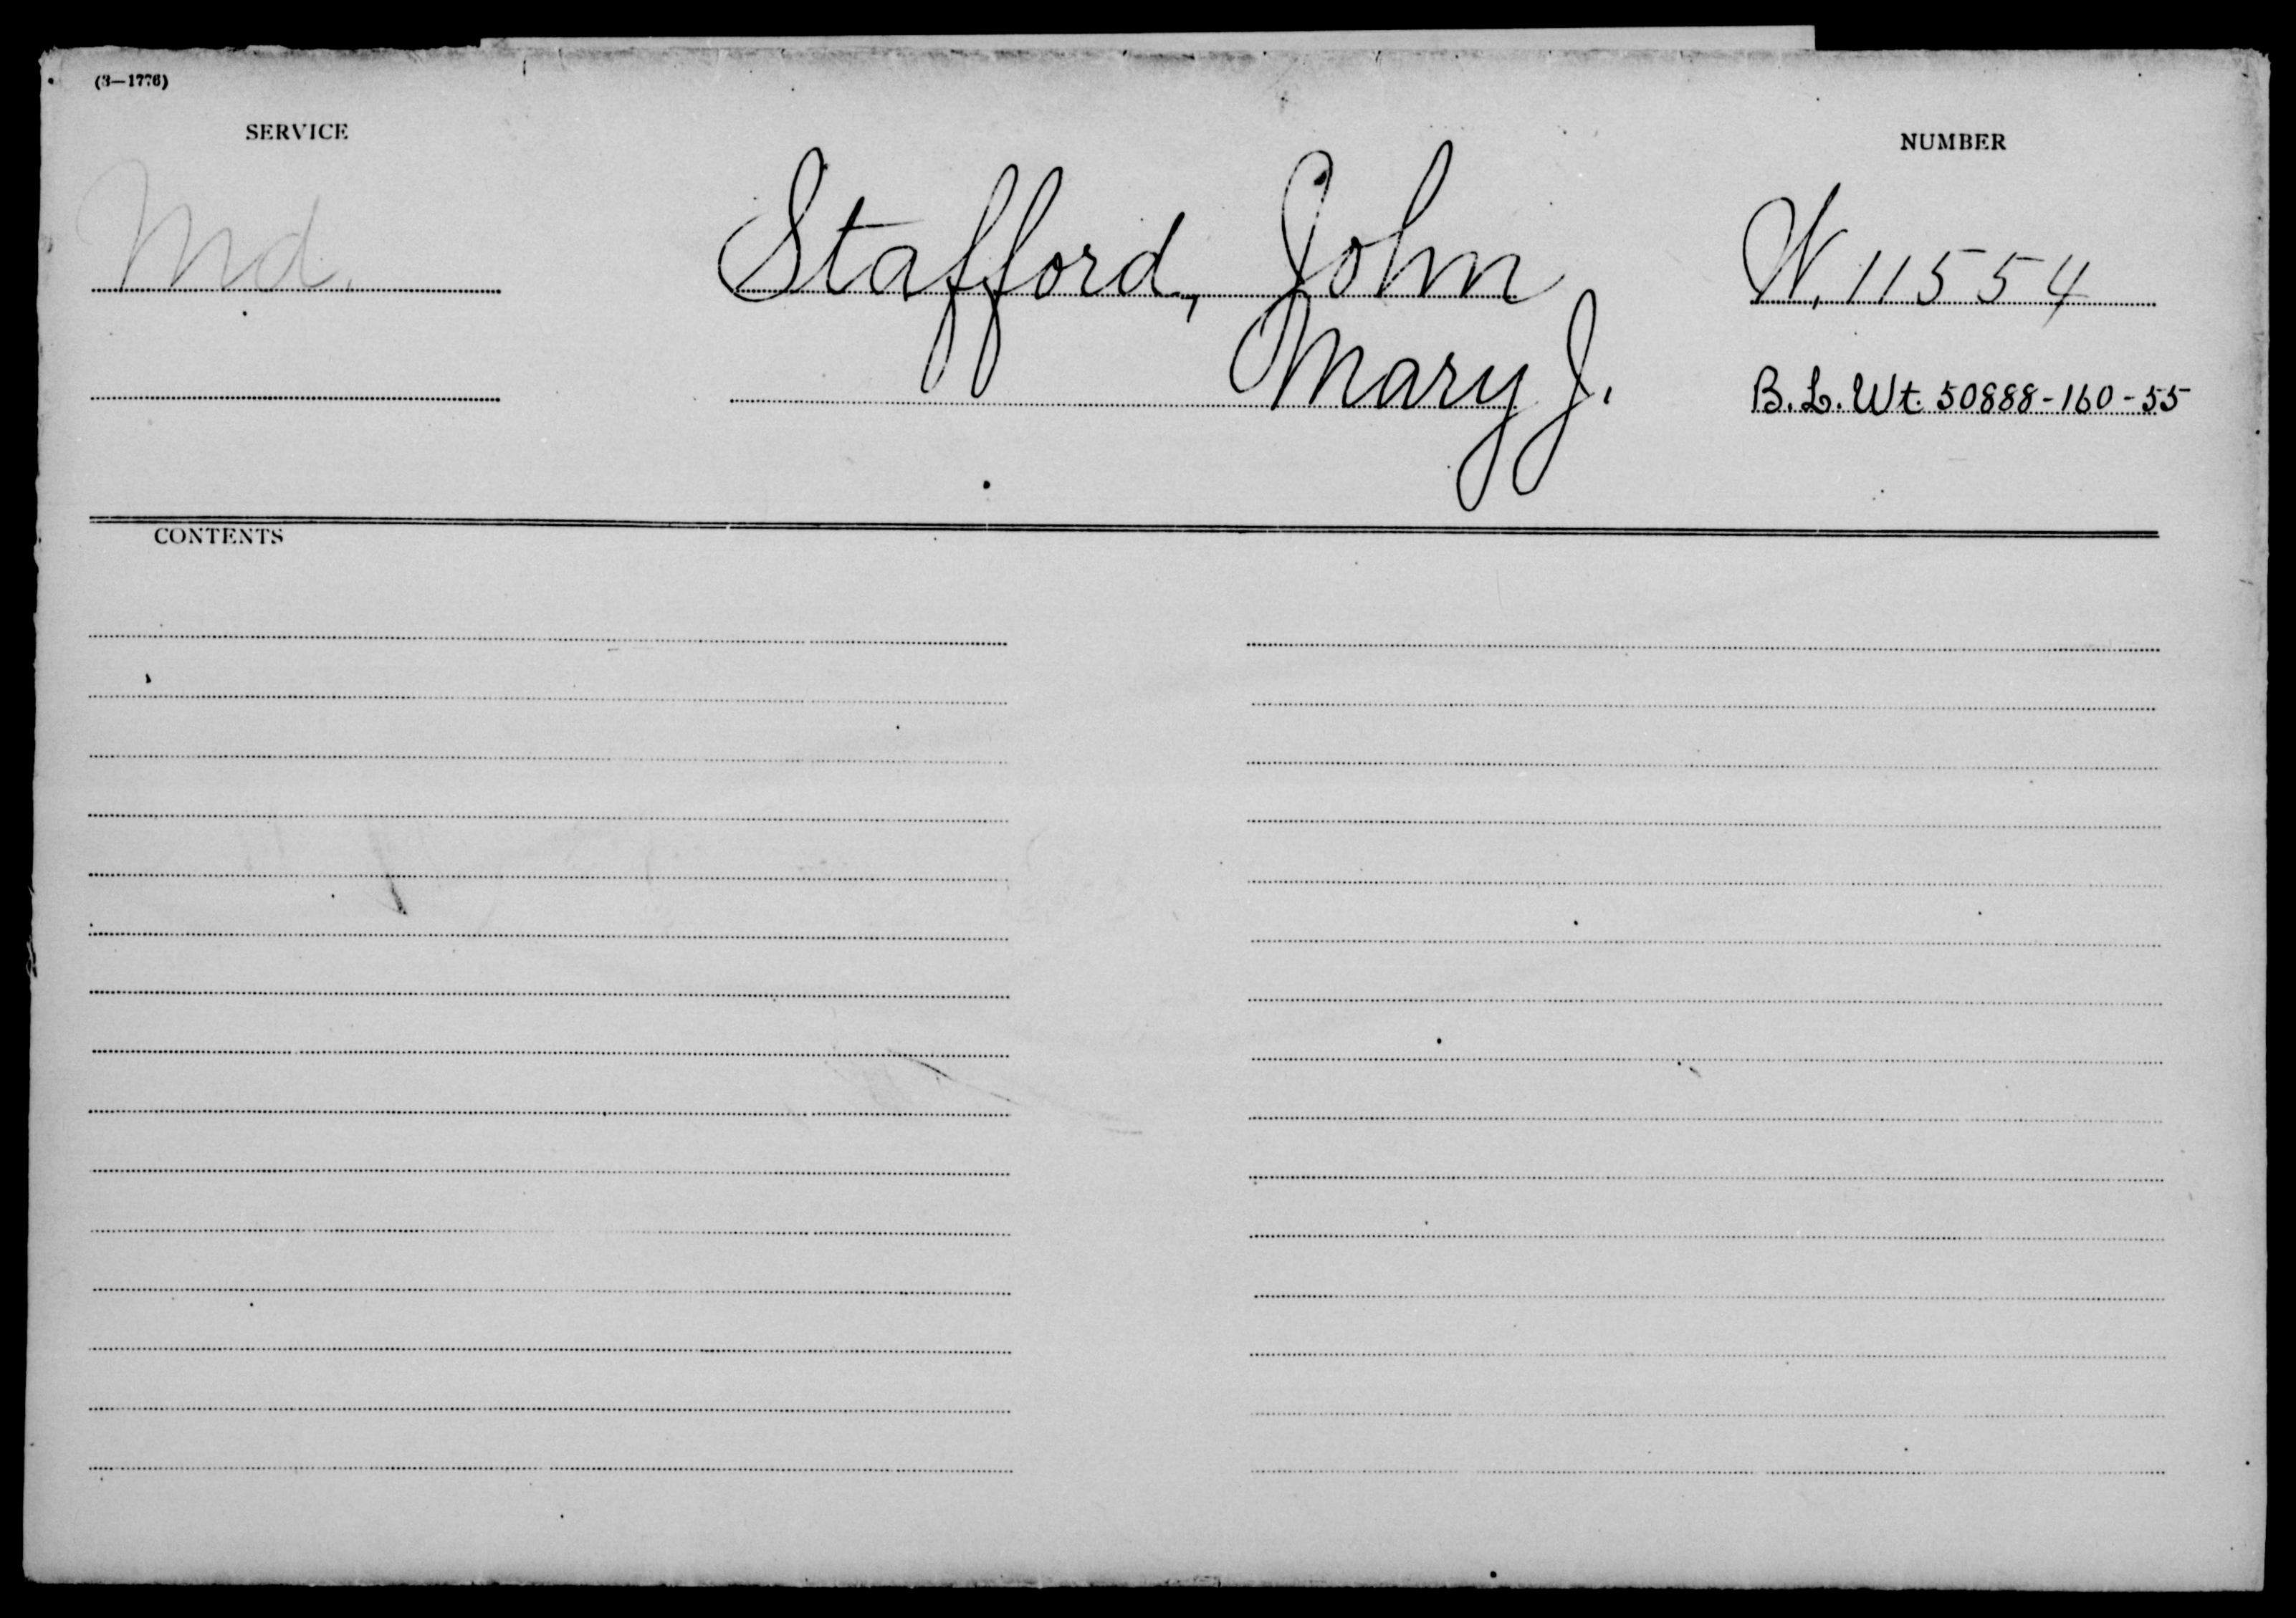Service: MD

Stafford, John 
Number W.11554

Stafford, Mary J.
B.L.Wt. 50888-160-55

[Comments: none]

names: [BLANK]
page: 1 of 61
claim: widow's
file: W. 11554, for John Stafford, Maryland